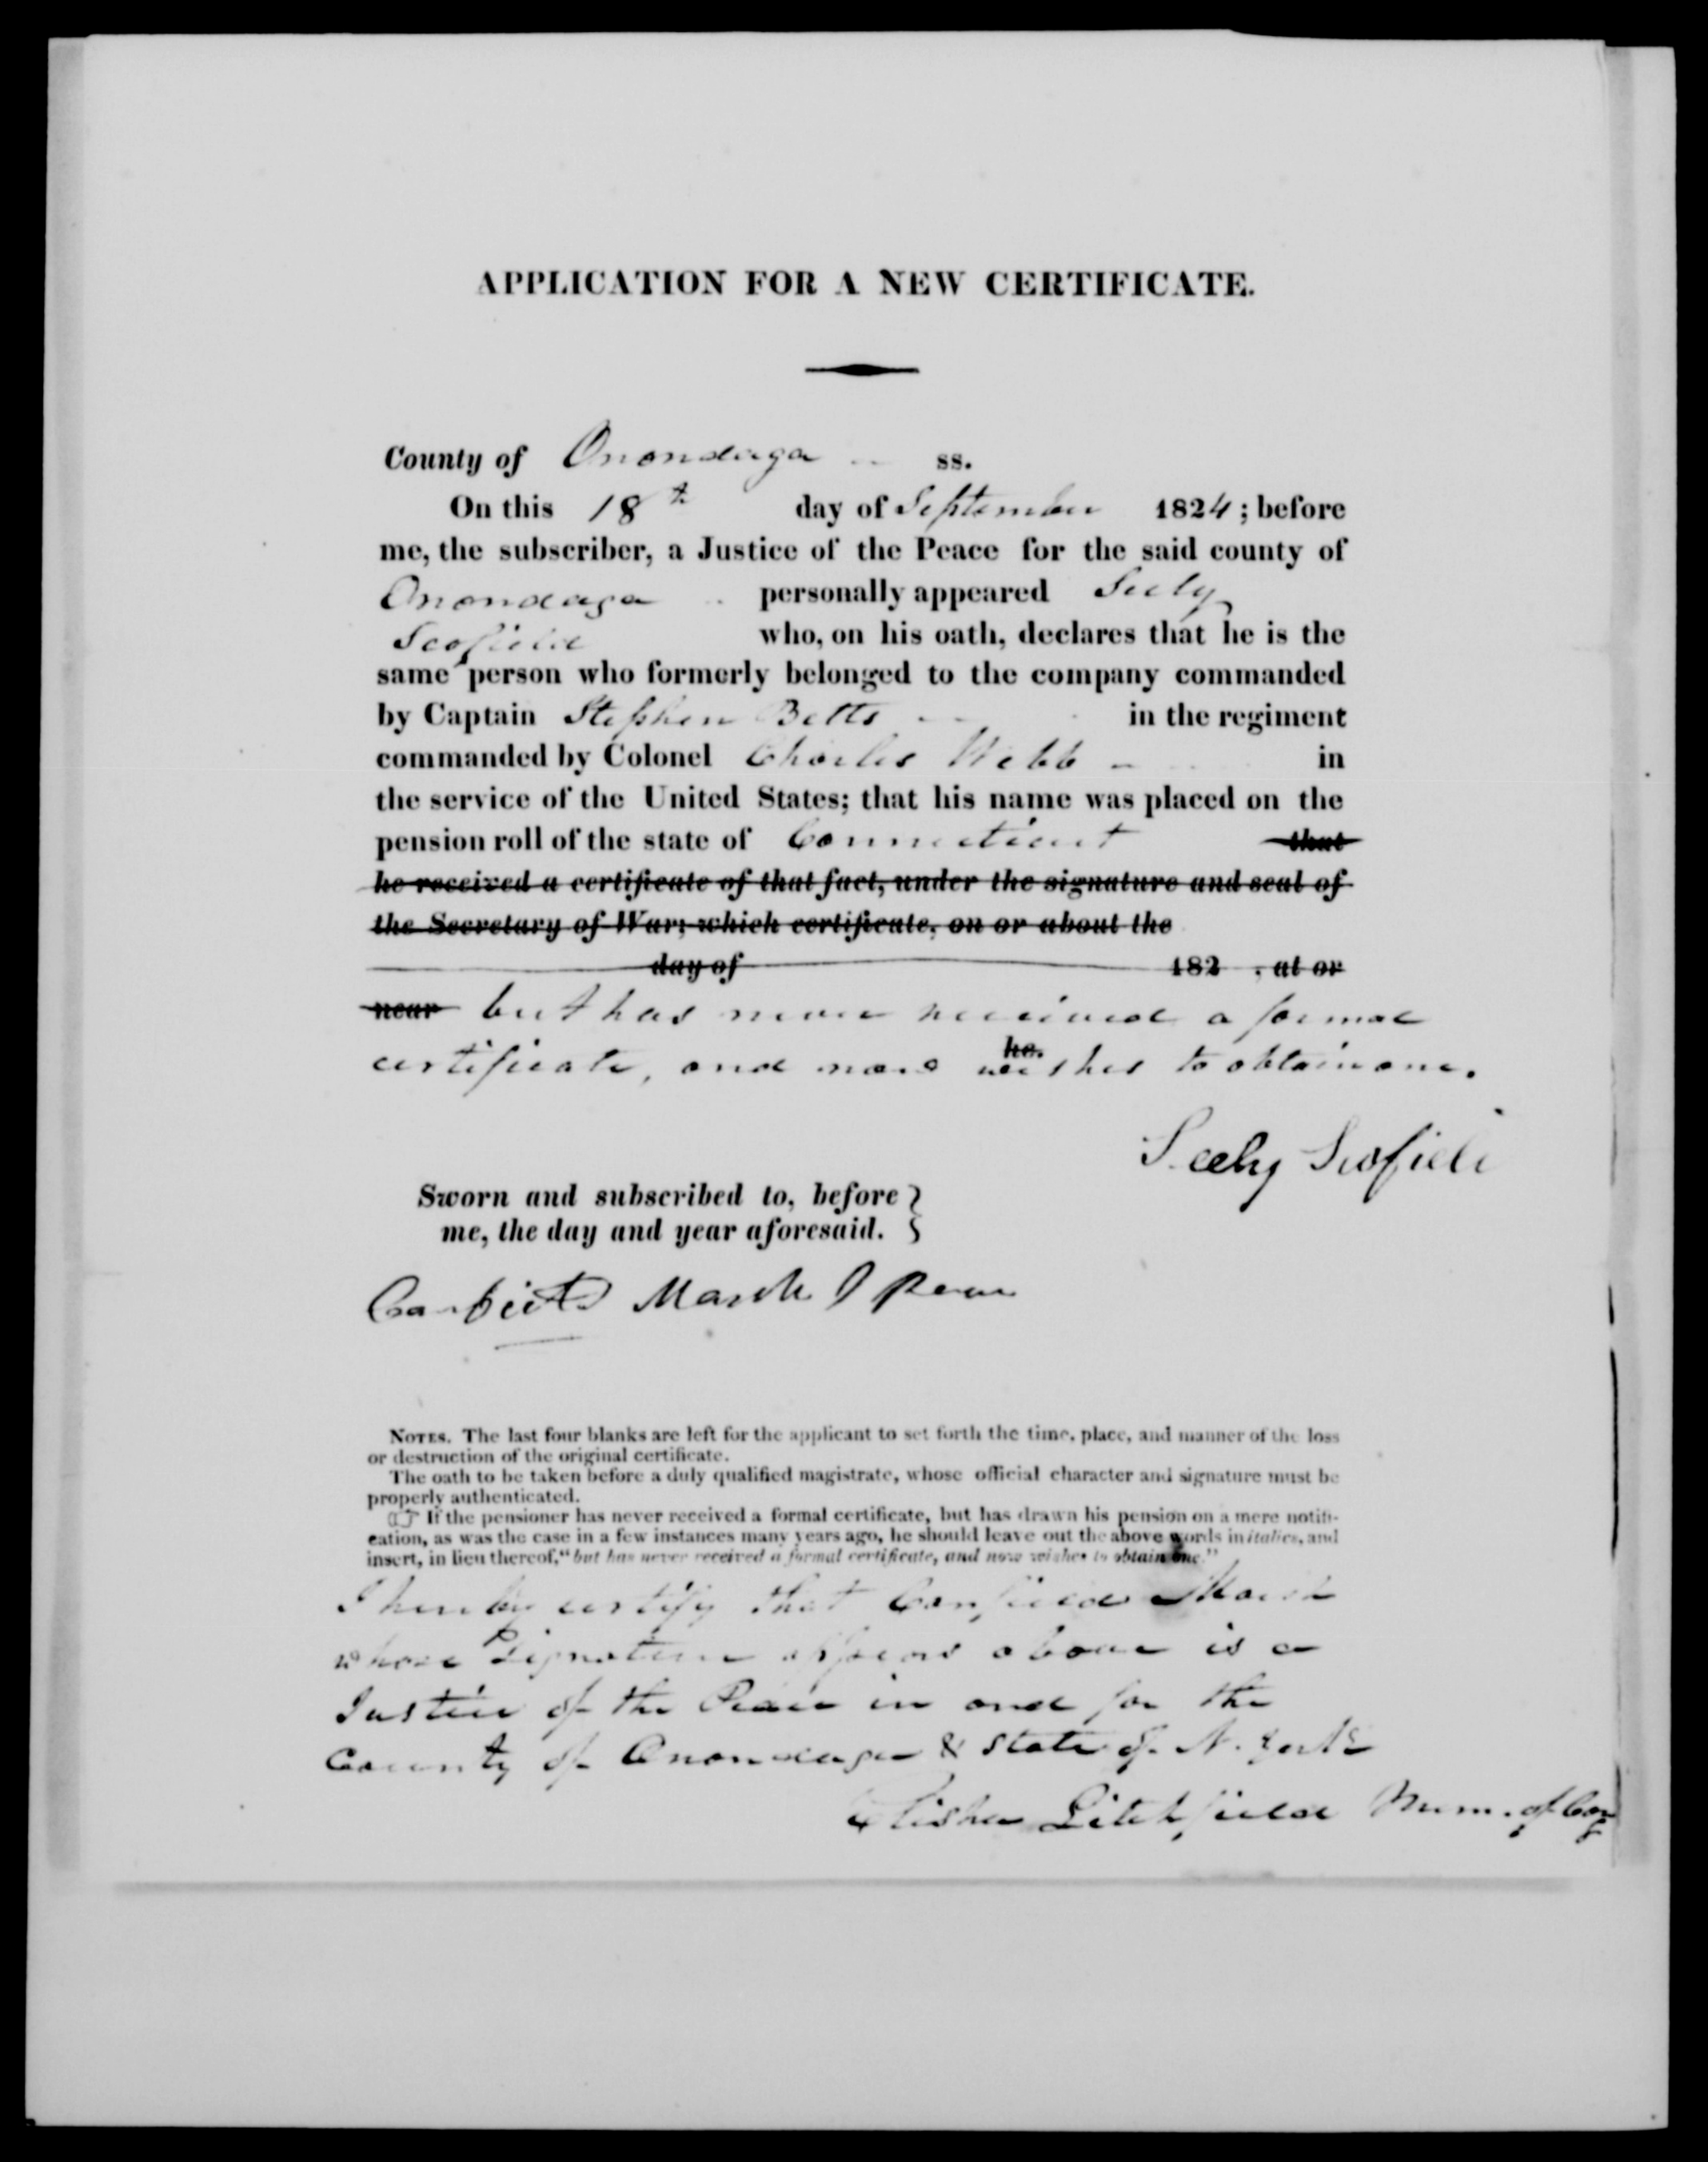APPLICATION FOR A NEW CERTIFICATE. 
County of Onondaga ss 
On this 18th day of September 1824; before me, the subscriber, a Justice of the Peace for the said county of Onondaga  personally appeared Seely Scofield who, on his oath, declares that he is the same person who formerly belonged to the company commanded by Captain Stephen Betts in the regiment commanded by Colonel Charles Webb in the service of the United States; that his name was placed on the pension roll of the state of Connecticut but he has never received a formal certificate, and now he wants to obtain one  
Seely Scofield
Sworn and subscribed to, before me, the day and year aforesaid }
Canfield Marsh J. Peace 
NOTES. The last four blanks are left for the applicant to set forth the time, place, and manner of the loss or destruction of the original certificate. 
The oath to be taken before a duly qualified magistrate, whose official character and signature must be properly authenticated.
If the petitioner has never received a formal certificate, but has drawn his pension on a mere notification, as was the case in a few instances many years ago, he should leave out the above words in italics, and insert, in lieu thereof, "but has never received a formal certificate, and now 
wishes to obtain one.”
I hereby certify that Canfield Marsh whose signation is above is a  Justice of the Peace in and for the County of Onondaga & State of N. York 
Elisha Litchfield Member of Congress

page: 32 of 36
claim: survivor's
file: S. 10,004, for Seely Scofield, Connecticut